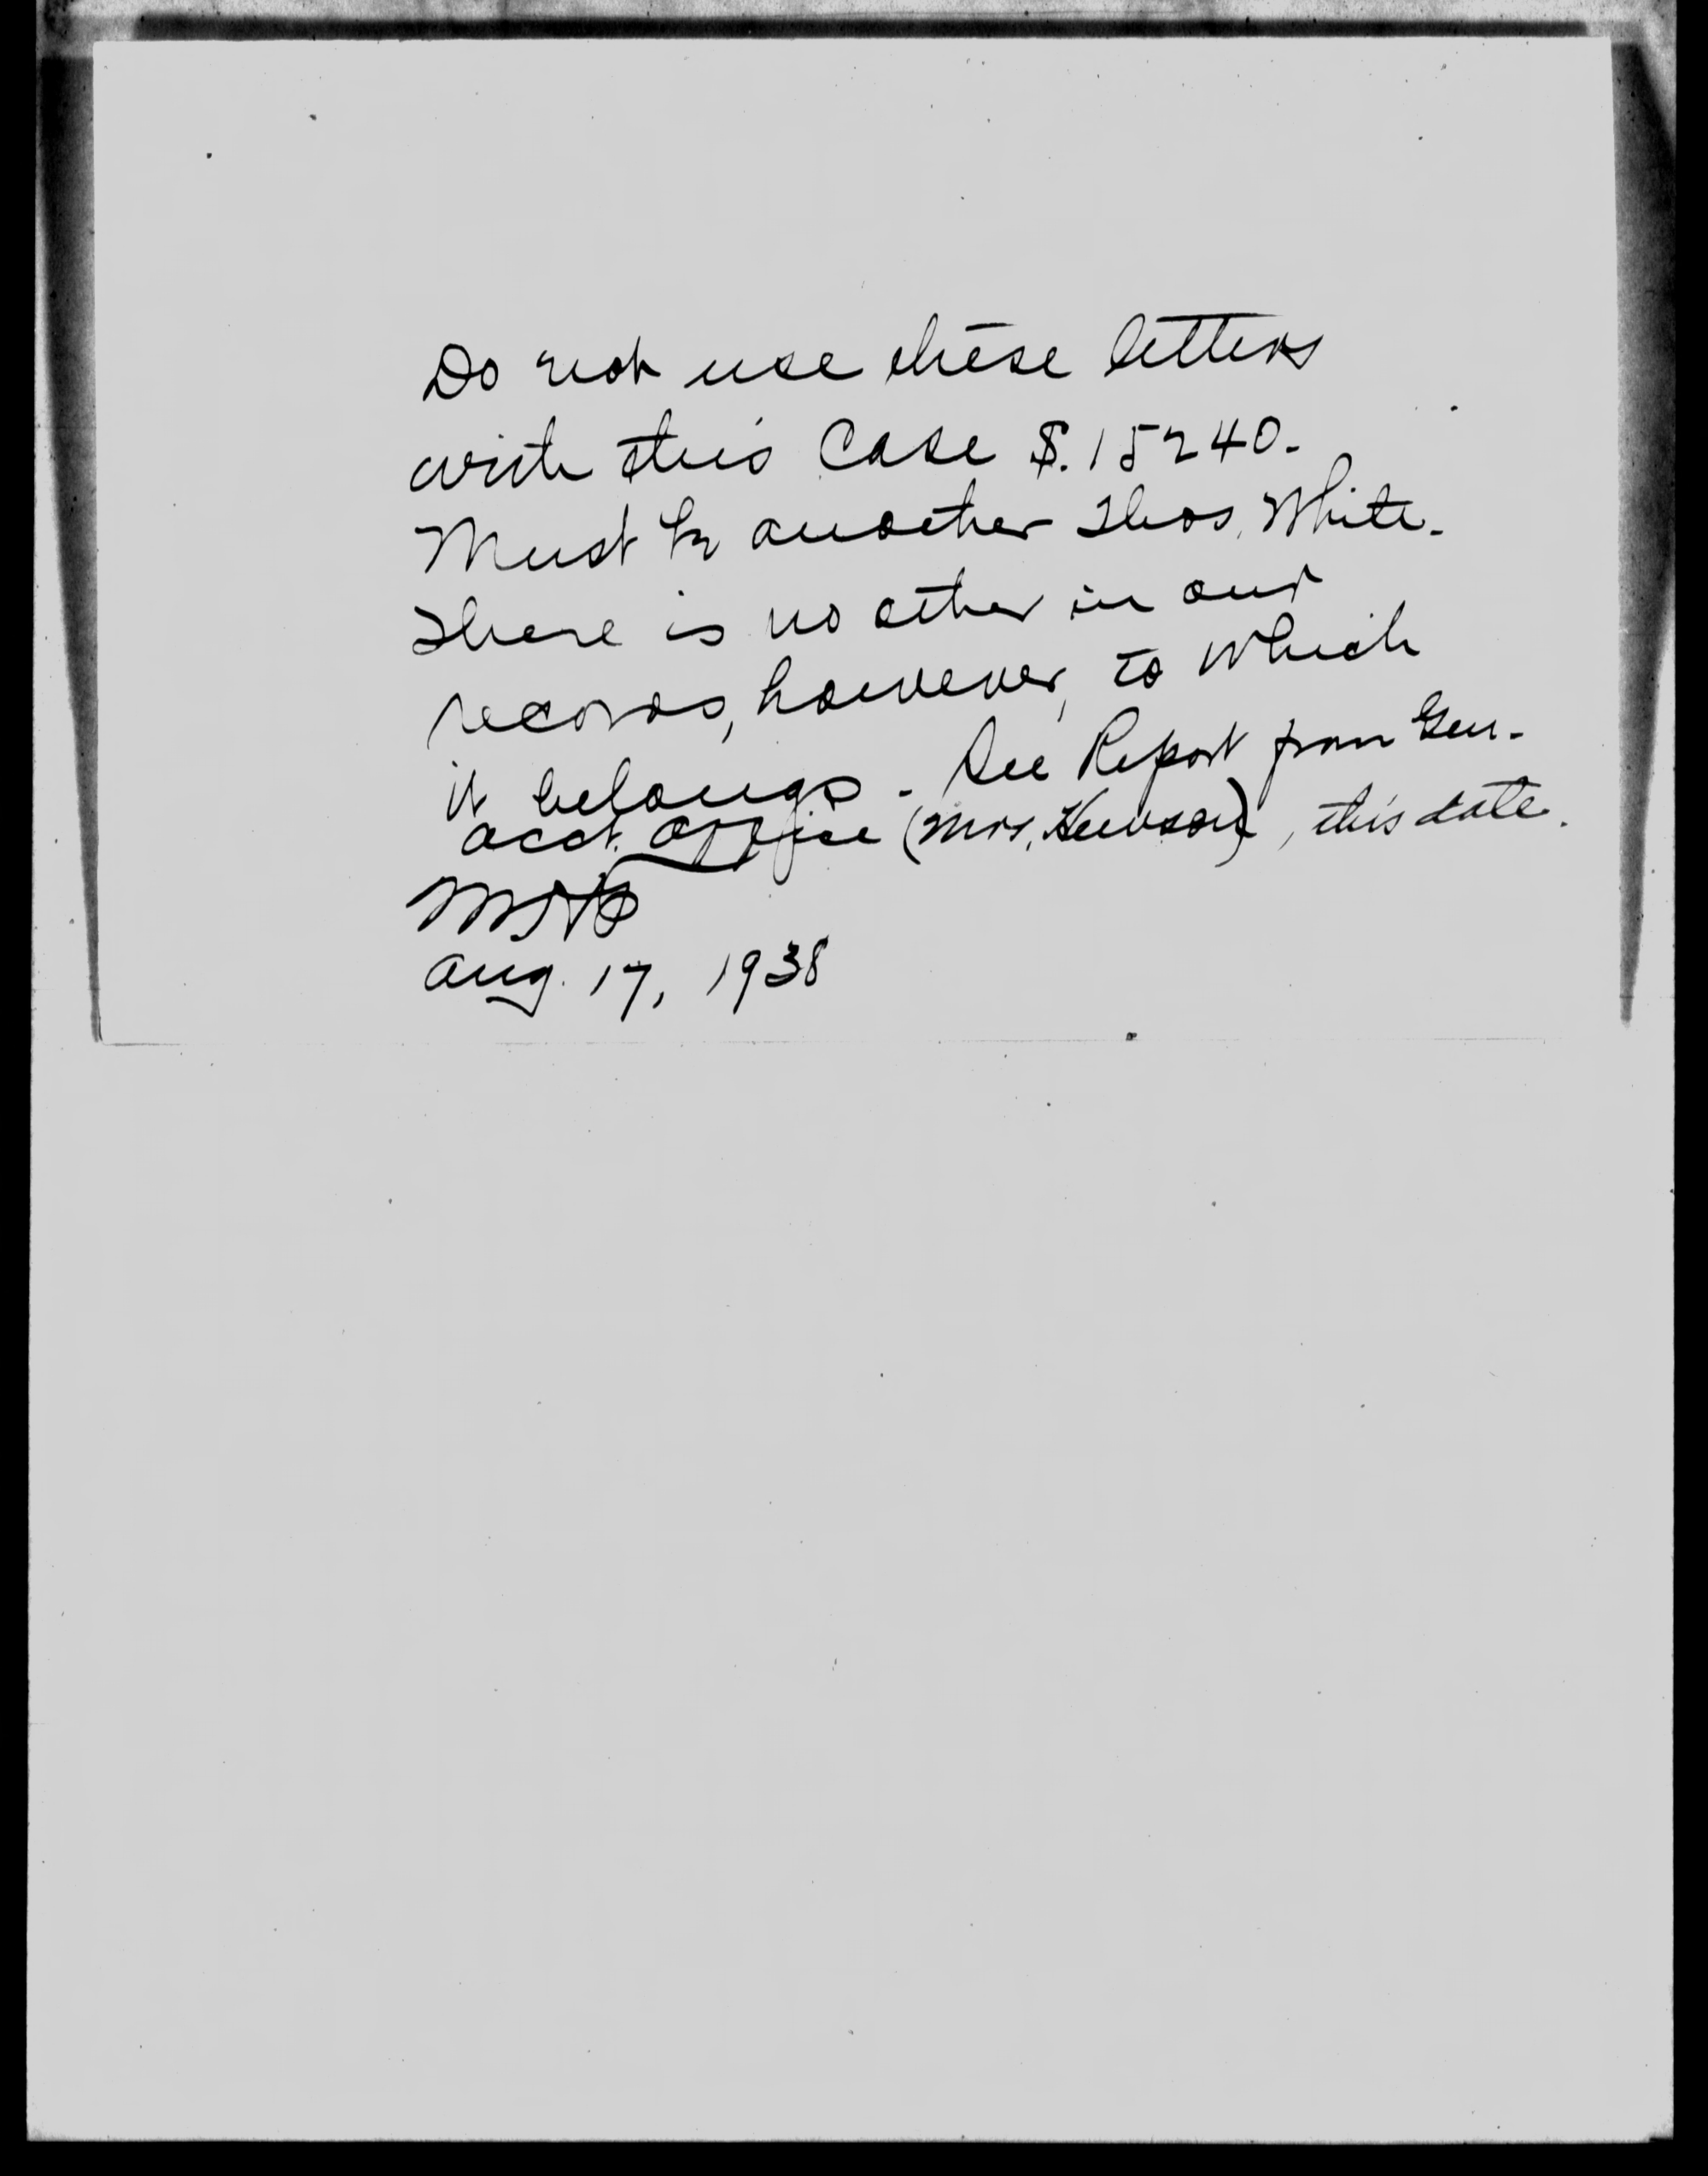Do not use these letters 
with this case S. 15240.
Must be another Thos. White. 
There is no other in our 
records, however, to which 
it belongs.  See Report from Gen.
Acct. Office (Mrs. Hewson) this date.
MHF
Aug. 17, 1938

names: Hewson, Thos White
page: 40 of 43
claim: survivor's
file: S. 15240, Thomas White, Md.